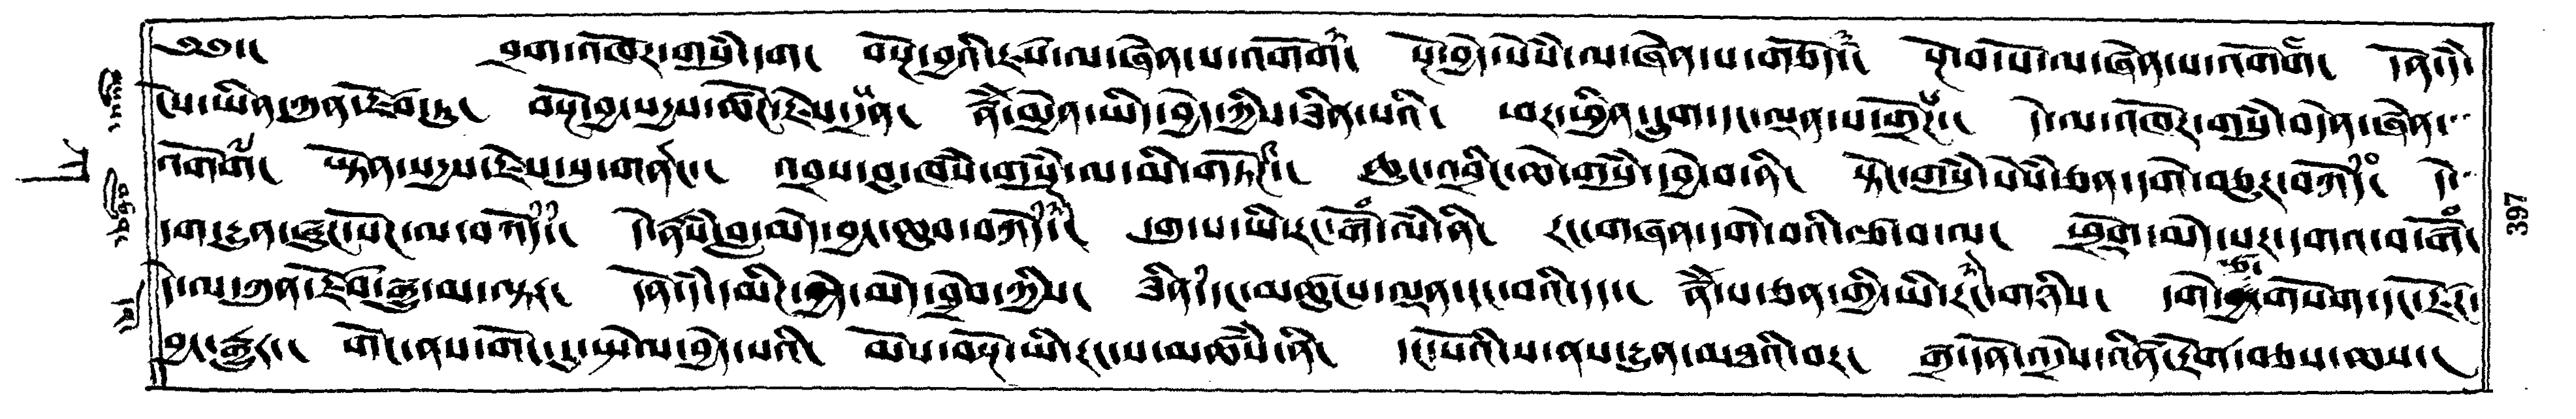བྲག་འཁོར་གསུམ་དག །བསྔོ་བྱའི་རྫས་ལ་ཞེན་པ་འགོག །བསྔོ་བྱེད་སེམས་ལ་ཞེན་པ་གཅོད། །བསྔོ་བ་པོ་ལ་ཞེན་པ་འགོག །དོན་དམ་
བསྔོས་ཡིན་ཀུན་རྫོབ་ཏུ། །བསྔོ་བྱ་སངས་རྒྱས་ཚོགས་རྗེས་དྲན། །རྣམ་མཁྱེན་ཡིད་བྱེད་ཀྱིས་ཟིན་པའི། །ཕར་ཕྱིན་དྲུག་དང་ལྡན་པ་གྲོགས། །དེ་ལ་འཁོར་གསུམ་བདེན་ཞེན་
འགོག །ཡོན་ཏན་སངས་རྒྱས་རྗེས་སུ་གནང་། །འབྲས་བུ་ཁམས་གསུམ་ལ་མི་གཏོགས། །ཆུང་འབྲིང་ཆེ་གསུམ་དབྱེ་བ་ནི། །སྟོང་གསུམ་སེམས་ཅན་དགེ་བཅུར་བཀོད། །དེ་
དག་རྒྱུན་ཞུགས་སོགས་ལ་བཀོད། །དེ་རྣམས་བླ་མེད་བྱང་ཆུབ་བཀོད། །དགུ་པ་ཡི་རང་སྒོམ་ལམ་ནི། །རང་གཞན་དགེ་བའི་རྩ་བ་ལ། །ཕྲག་དོག་མེད་པར་དགའ་བ་སྒོམ། །
དེ་ལ་ཀུན་རྫོབ་སྒྱུ་མ་ལྟར། །དོན་དམ་དམིགས་མེད་ཤེས་རབ་ཀྱིས། །ཟིན་དང་མཚུངས་ལྡན་དང་བའི་དད། །རྣམ་པ་ཅན་གྱི་ཡི་རང་གཉིས། །དགེ་རྩ་གསོག་དང་རྫོགས་
བྱང་རྒྱུར། །གོང་ནས་གོང་དུ་སྤེལ་བྱེད་པའི། །མོས་བསྔོ་ཡི་རང་ས་མཚམས་ནི། །དང་པོའི་ས་ནས་རྒྱུན་མཐའི་བར། །སྒྲ་དོན་འདྲེས་འཛིན་རྟོག་བཅས་ཆོས། །